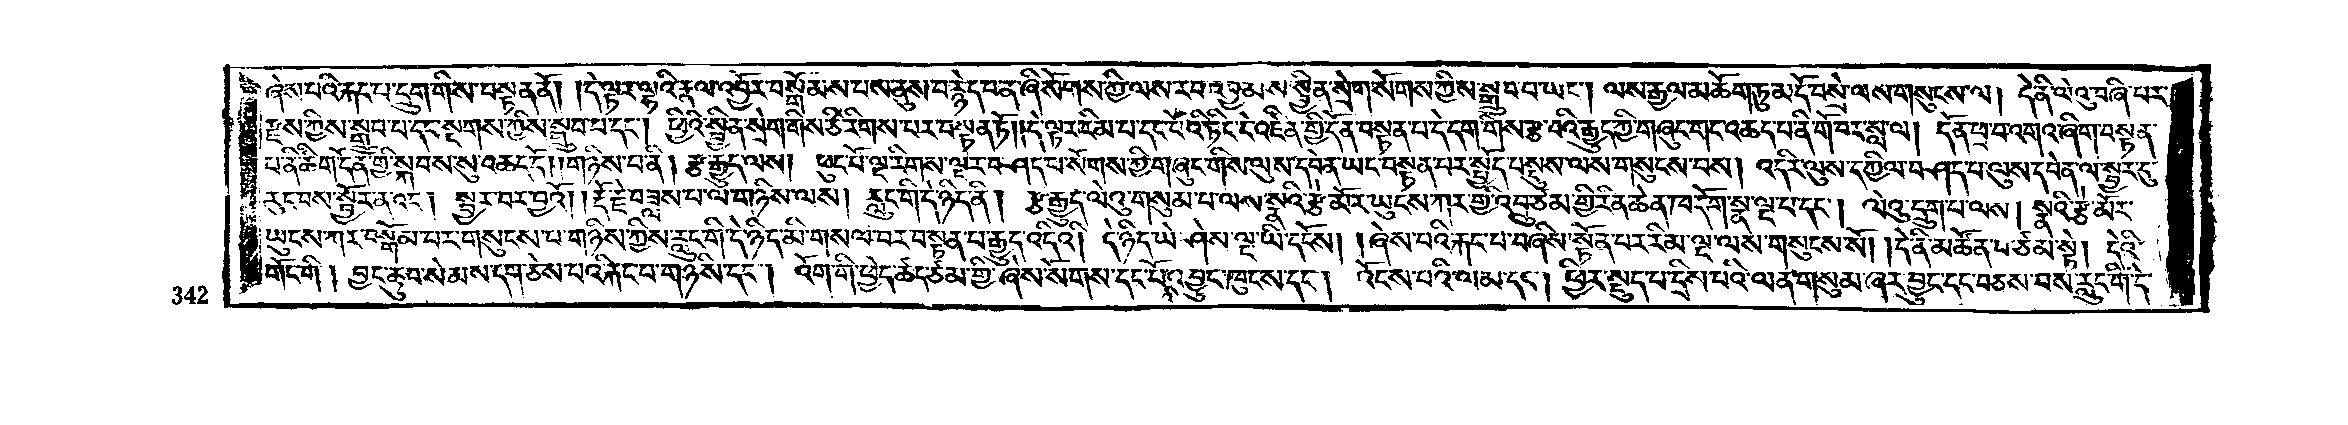ཞེས་པའི་རྐང་པ་དྲུག་གིས་བསྟན་ནོ། །དེ་ལྟར་ལྷའི་རྣལ་འབྱོར་བསྒོམས་པས་ནུས་པ་རྙེད་པ་ན་ཞི་སོགས་ཀྱི་ལས་རབ་འབྱམས་སྦྱིན་སྲེག་སོགས་ཀྱིས་སྒྲུབ་པ་ཡང་། ལས་རྒྱལ་མཆོག་ཏུ་མདོ་བསྲེ་ལས་གསུངས་ལ། དེ་ནི་ལེའུ་བཞི་པར་
རྫས་ཀྱིས་སྒྲུབ་པ་དང་སྔགས་ཀྱིས་སྒྲུབ་པ་དང་། ཕྱིའི་སྦྱིན་སྲེག་གིས་ཅི་རིགས་པར་བསྟན་ཏོ། །དེ་ལྟར་རིམ་པ་དང་པོའི་ཏིང་ངེ་འཛིན་གྱི་དོན་བསྟན་པ་དེ་དག་གིས་རྩ་བའི་རྒྱུད་ཀྱི་གཞུང་གང་འཆད་པ་ནི་གོ་བར་སླ་ལ། དོན་ཕྲ་བ་འགའ་ཞིག་བསྟན་
པ་ནི་ཚིག་དོན་གྱི་སྐབས་སུ་འཆད་དོ། །གཉིས་པ་ནི། རྩ་རྒྱུད་ལས། ཕུང་པོ་ལྔ་རིགས་ལྔར་བཤད་པ་སོགས་ཀྱི་གཞུང་གིས་ལུས་དབེན་ཡང་བསྟན་པར་སྤྱོད་བསྡུས་ལས་གསུངས་པས། འདིར་ལུས་དཀྱིལ་བཤད་པ་ལུས་དབེན་ལ་སྦྱར་དུ་
རུང་བས་སྦྱོར་ནའང་། སྦྱར་བར་བྱའོ། །རྡོ་རྗེ་བཟླས་པ་ལ་གཉིས་ལས། རླུང་གི་དེ་ཉིད་ནི། རྩ་རྒྱུད་ལེའུ་གསུམ་པ་ལས་སྣའི་རྩེ་མོར་ཡུངས་ཀར་གྱི་འབྲུ་ཙམ་གྱི་རིན་ཆེན་ཁ་དོག་སྣ་ལྔ་པ་དང་། ལེའུ་དྲུག་པ་ལས། སྣའི་རྩེ་མོར་
ཡུངས་ཀར་བསྒོམ་པར་གསུངས་པ་གཉིས་ཀྱིས་རླུང་གི་དེ་ཉིད་མི་གསལ་བར་བསྟན་པ་རྒྱུད་འདིའི། དེ་ཉིད་ཡེ་ཤེས་ལྔ་ཡི་དངོས། །ཞེས་པའི་རྐང་པ་བཞིས་སྟོན་པར་རིམ་ལྔ་ལས་གསུངས་སོ། །དེ་ནི་མཚོན་པ་ཙམ་སྟེ། དེའི་
གོང་གི །བྱང་ཆུབ་སེམས་དག་ཅེས་པའི་རྐང་པ་གཉིས་དང་། འོག་གི་ཕྱེད་ཚད་ཙམ་གྱི་ཞེས་སོགས་དང་པོའི་འབྱུང་ཁུངས་དང་། འོངས་པའི་ལམ་དང་། ཕྱིར་སྡུད་པ་དྲིས་པའི་ལན་གསུམ་ཞར་བྱུང་དང་བཅས་པས་རླུང་གི་དེ་